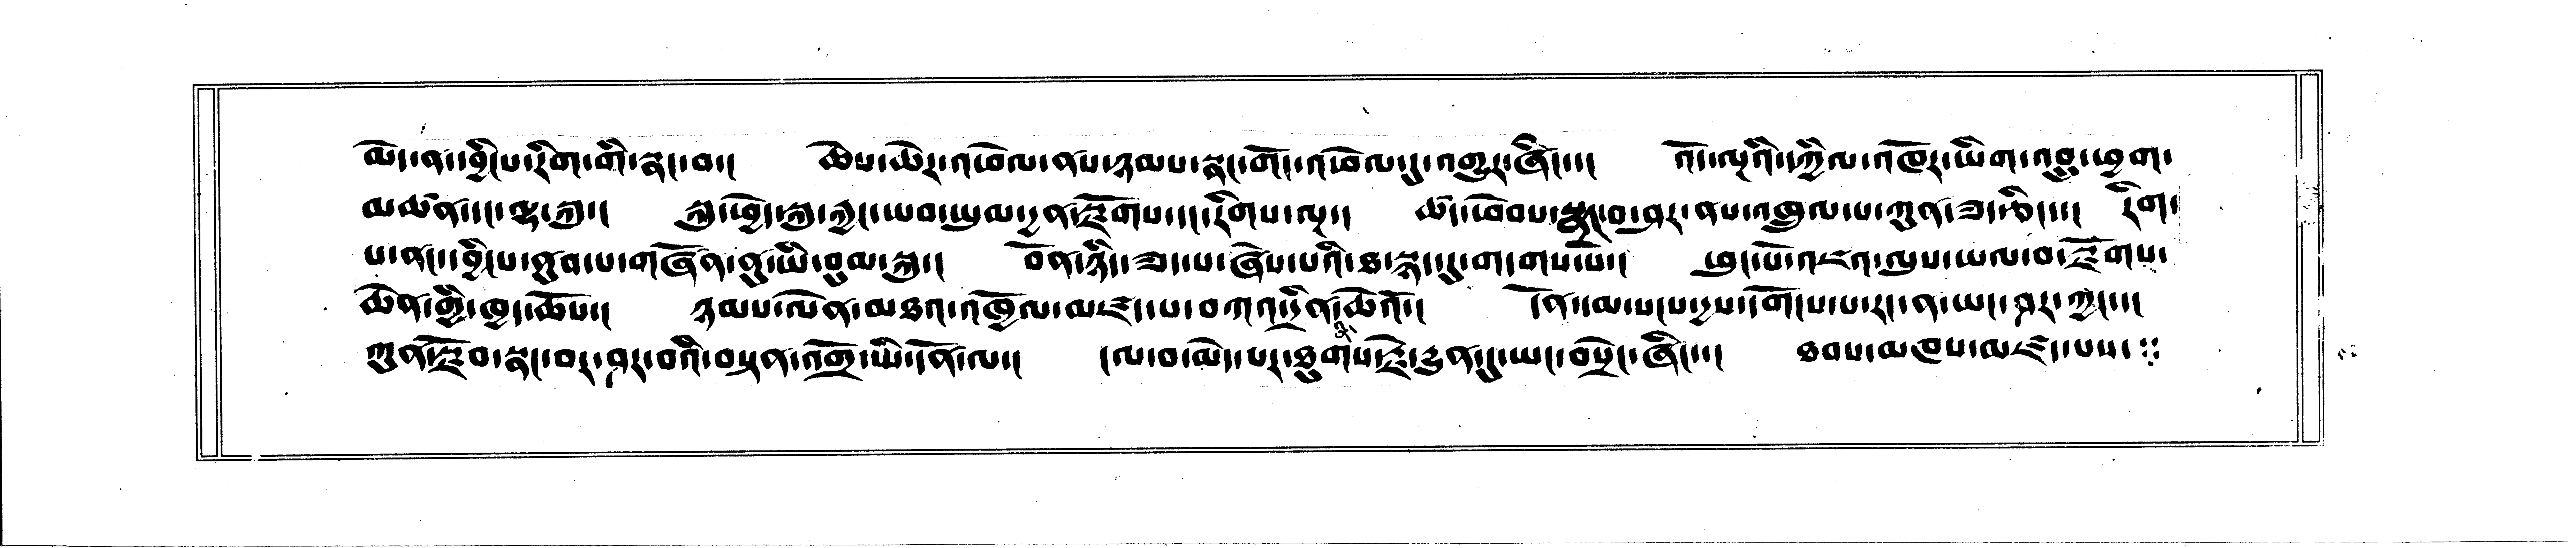མེད་པ་དབྱིངས་རིག་གི་སྣང་བ། །ཆེས་ཆེར་འཕེལ་ནས་ཉམས་སྣང་གོང་འཕེལ་དུ་འགྱུར་ཞིང་། །འོད་ལྔའི་དཀྱིལ་འཁོར་ཡིག་འབྲུ་ཕྱག་
མཚན་དང་ལྷ་སྐུ། །སྐུ་ཕྱེད་སྐུ་རྐྱང་ཡབ་ཡུམ་རྒྱན་རྫོགས་དང་རིགས་ལྔ། །ཚད་ཕེབས་སྣང་བ་ཤར་ནས་འཁྲུལ་པ་ཀུན་ཟད་ཅིང་། །རིག་
པ་ནང་དབྱིངས་ནུབ་པ་གཞོན་ནུ་ཡི་བུམ་སྐུ། །བོན་ཉིད་ཟད་པ་ཞེས་པའི་ཐ་སྙད་དུ་གདགས་པ། །ཕུང་པོ་འཇའ་ལུས་ཡལ་བ་རྫོགས་
ཆེན་གྱི་ཁྱད་ཆོས། །ཉམས་ལེན་མཐའ་འཁྱོལ་མཛད་པ་བཀའ་དྲིན་ནི་ཆེའོ། །དོན་དམ་སངས་རྒྱས་དགོངས་པ་རང་ན་ཡང་ཤར་ཀྱང་། 
།ཀུན་རྫོབ་སྣང་བར་ཤར་བའི་བསྟན་འགྲོ་ཡི་དོན་ལ། །ངལ་བ་མེད་པར་ཐུགས་རྗེ་རྒྱུན་དུ་ཡང་བསྲིངས་ཞིང་། །ཐབས་མཁས་མཛད་པས་